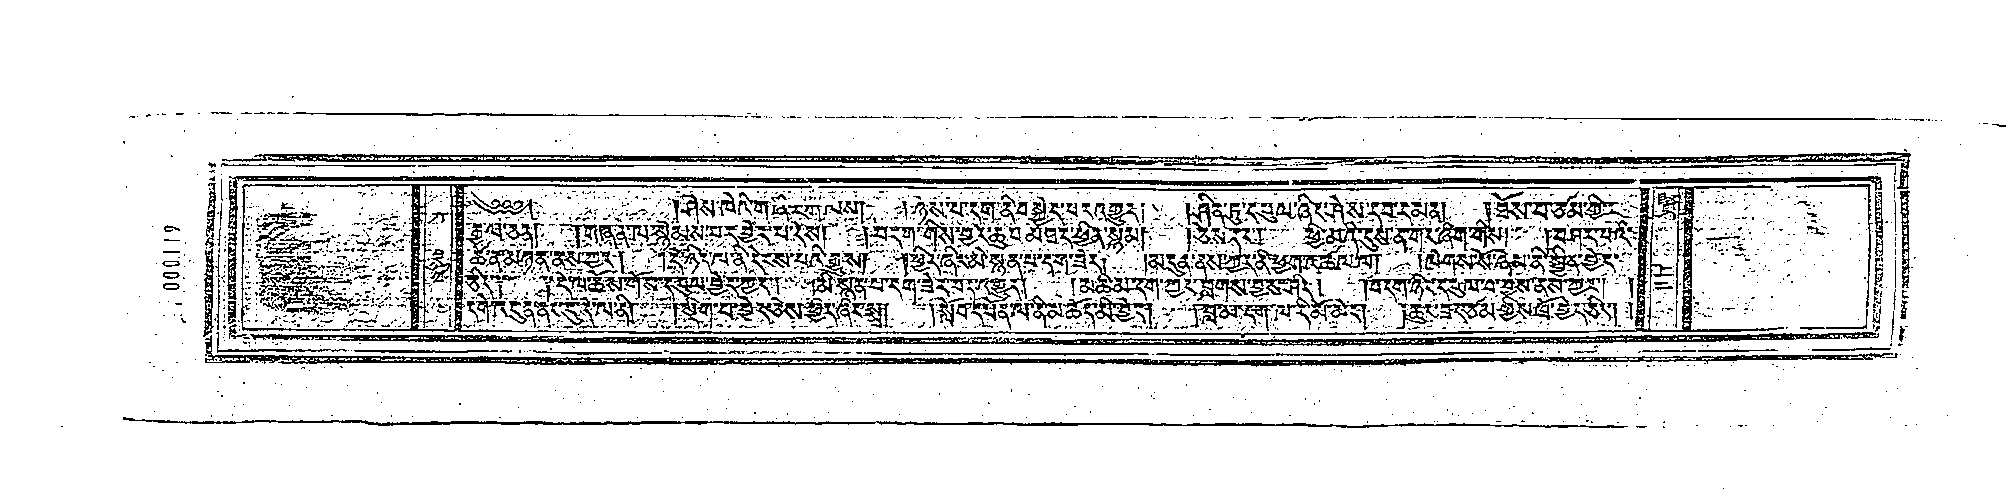༄༅༅། །ཤེས་ཁེའི་གཞི་ངག་ལས། །ཉེས་པ་དག་ནི་བསྐྱེད་པར་འགྱུར། །ཤིན་ཏུ་དབུལ་ཞིང་ཤེས་རབ་དམན། །ཐོས་པ་ཙམ་གྱི་ང་
རྒྱལ་ཅན། །གཞན་ལ་སྙེམས་པར་བྱེད་པ་དེས། །བདག་གིས་བྱང་ཆུབ་མཐར་ཕྱིན་སྙམ། །ཅེས་དང་། ཕྱི་མའི་དུས་ན་གང་ཞིག་གིས། །བཤད་པའི་
ཚེ་ན་མཉན་ནས་ཀྱང་། །དེ་ཉིད་ལ་ནི་དེངས་པའི་རྒྱུས། །ཕྱིར་ཞིང་མི་སྙན་པ་དག་ཟེར། །མདུན་ནས་ཀྱང་ནི་ཕྱག་འཚལ་ལ། །ལེགས་སོ་ཞེས་ནི་སྦྱིན་བྱེད་
ཅིང༑ ༑དེ་ལ་ཆོས་གོས་དབུལ་བྱེད་ཀྱང་། །མི་སྙན་པ་དག་ཟེར་བར་འགྱུར། །མཆི་མ་དག་ཀྱང་བླགས་བྱས་ཤིང་། །བདག་ཉིད་དབུལ་བ་བྱས་ནས་ཀྱང་། །
དགེ་འདུན་ནང་དུ་དེ་ལ་ནི། །སྡིག་པ་བྱེད་ཅེས་ཕྱིར་ཞིང་སྨྲ། །སློབ་དཔོན་ལ་ནི་མཆོད་མི་བྱེད། །བླ་མ་ངག་ལ་རི་མོ་མེད། །ཆུང་ཟད་ཙམ་གྱིས་ཁྲོ་བྱེད་ཅིང་། །